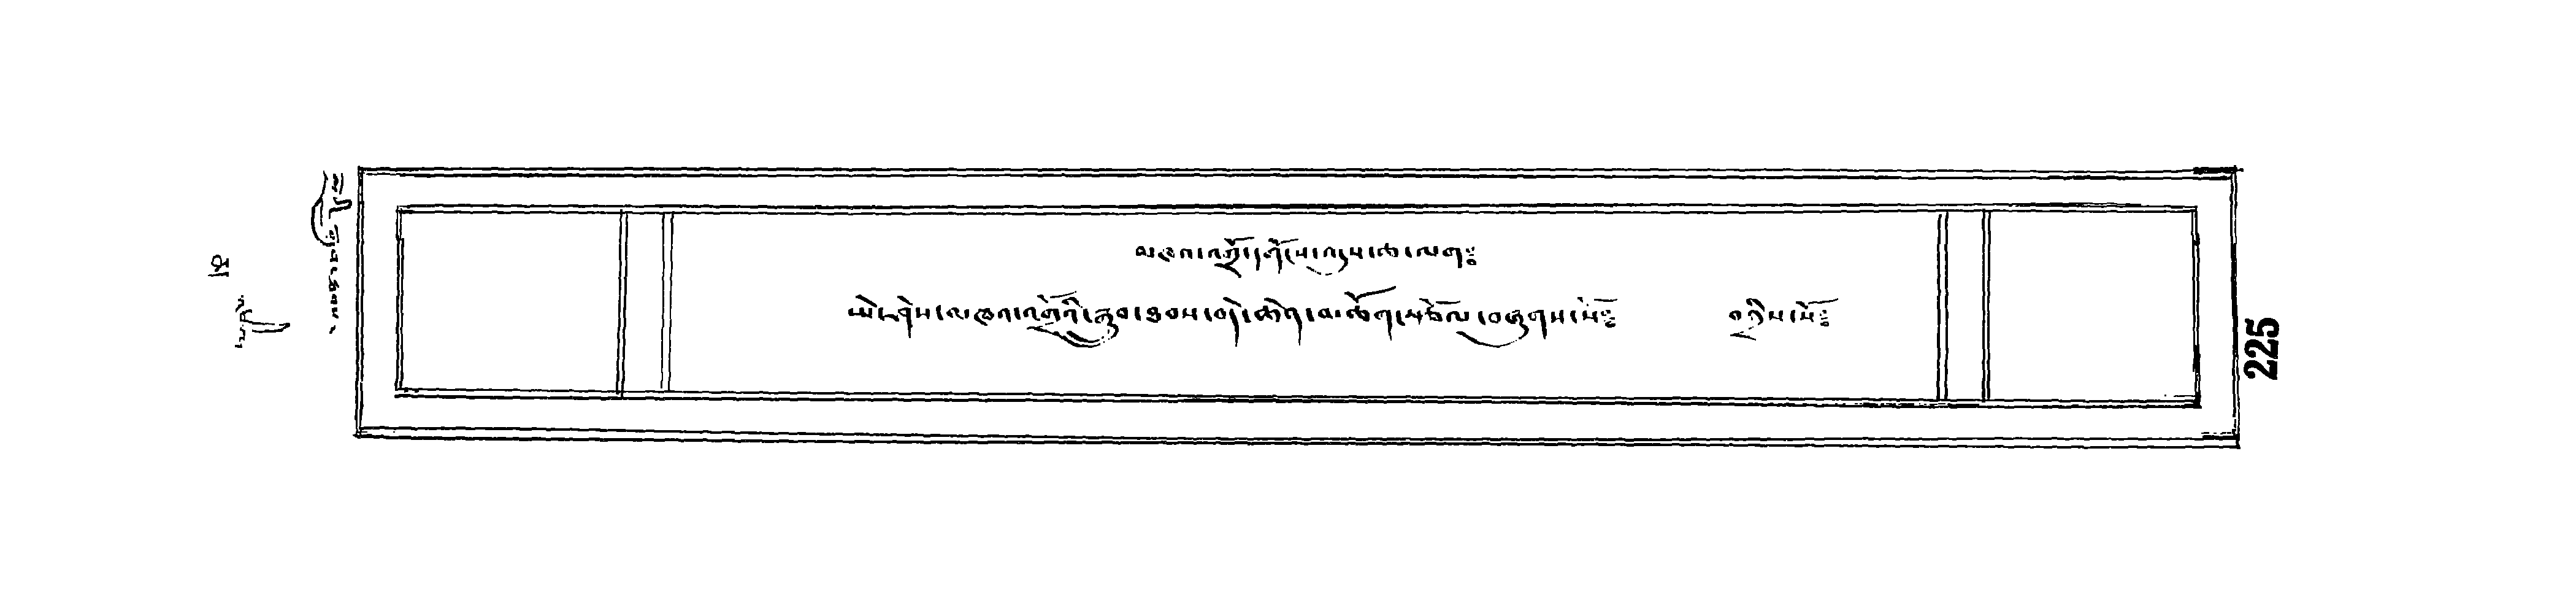མཁའ་འགྲོ་དགོངས་འདུས་ཆ་ལག༔ 
ཡེ་ཤེས་མཁའ་འགྲོའི་སྒྲུབ་ཐབས་བདེ་ཆེན་མཆོག་སྩོལ་བཞུགས་སོ༔ བཀྲ་ཤིས་སོ༔